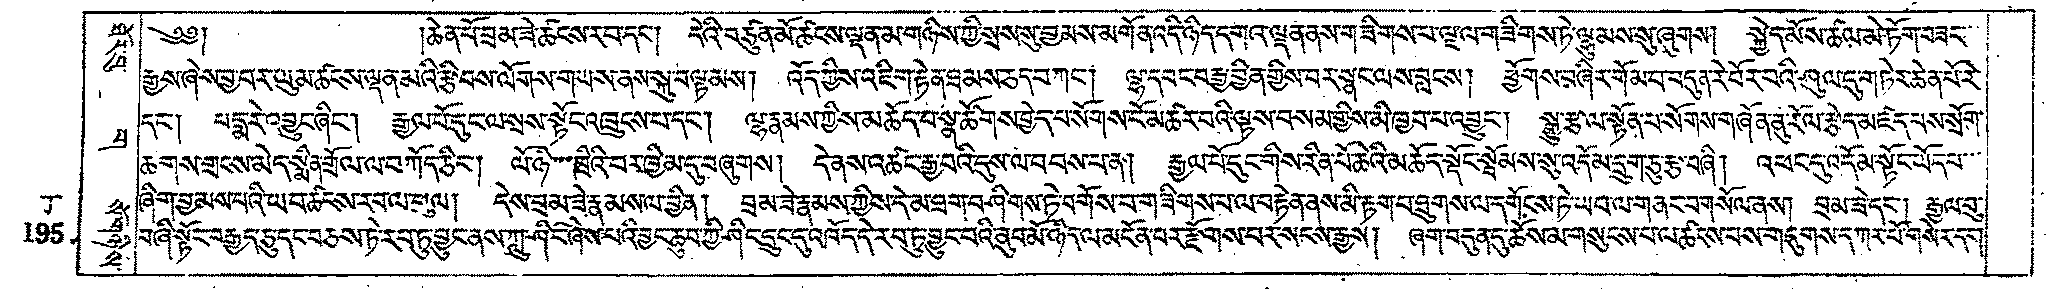༄༅། །ཆེན་པོ་བྲམ་ཟེ་ཚངས་རབ་དང་། དེའི་བཙུན་མོ་ཚངས་ལྡན་མ་གཉིས་ཀྱི་སྲས་སུ་བྱམས་མགོན་འདི་ཉིད་དགའ་ལྡན་ནས་གཟིགས་པ་ལྔ་ལ་གཟིགས་ཏེ་ལྷུམས་སུ་ཞུགས། སྐྱེད་མོས་ཚལ་མེ་ཏོག་བཟང་་་
རྒྱས་ཞེས་བྱ་བར་ཡུམ་ཚངས་ལྡན་མའི་རྩིབས་ལོགས་གཡས་ནས་སྐུ་བལྟམས། འོད་ཀྱིས་འཇིག་རྟེན་ཐམས་ཅད་བཀང་། ལྷ་དབང་བརྒྱ་བྱིན་གྱིས་བར་སྣང་ལས་བླངས། ཕྱོགས་བཞིར་གོམ་པ་བདུན་རེ་བོར་བའི་ཤུལ་དུ་གཏེར་ཆེན་པོ་རེ་
དང་། པདམ་རེ་འབྱུང་ཞིང་། རྒྱལ་པོ་དུང་ལ་སྲས་སྟོང་འཁྲུངས་པ་དང་། ལྷ་རྣམས་ཀྱིས་མཆོད་པ་སྣ་ཚོགས་བྱེད་པ་སོགས་ངོ་མཚར་བའི་ལྟས་བསམ་གྱིས་མི་ཁྱབ་པ་འབྱུང་། སྒྱུ་རྩལ་སྟོན་པ་སོགས་གཞོན་ནུ་རོལ་རྩེད་མཛད་པས་སྲོག་
ཆགས་གྲངས་མེད་སྨིན་གྲོལ་ལ་བཀོད་ཅིང་། ལོ་ཉི་་་ཁྲིའི་བར་ཁྱིམ་དུ་བཞུགས། དེ་ནས་འཚང་རྒྱ་བའི་དུས་ལ་བབས་པ་ན། རྒྱལ་པོ་དུང་གིས་རིན་པོ་ཆེའི་མཆོད་སྡོང་སྦོམས་སུ་འདོམ་དྲུག་ཅུ་རྩ་བཞི། འཕང་དུ་འདོམ་སྟོང་ཡོད་པ་་་
ཞིག་བྱམས་པའི་ཡབ་ཚངས་རབ་ལ་ཕུལ། དེས་བྲམ་ཟེ་རྣམས་ལ་བྱིན། བྲམ་ཟེ་རྣམས་ཀྱིས་དེ་མ་ཐག་བཤིགས་ཏེ་བགོས་པ་གཟིགས་པ་ལ་བརྟེན་ནས་མི་རྟག་པ་ཐུགས་ལ་དགོངས་ཏེ་ཡབ་ལ་གནང་བ་གསོལ་ནས། བྲམ་ཟེ་དང་། རྒྱལ་བུ་
བཞི་སྟོང་བརྒྱད་ཅུ་དང་བཅས་ཏེ་རབ་ཏུ་བྱུང་ནས་ཀླུ་ཤིང་ཞེས་པའི་བྱང་ཆུབ་ཀྱི་ཤིང་དྲུང་དུ་འཁོད་དེ་རབ་ཏུ་བྱུང་བའི་ནུབ་མོ་ཉིད་ལ་མངོན་པར་རྫོགས་པར་སངས་རྒྱས། ཞག་བདུན་དུ་ཆོས་མ་གསུངས་པ་ལ་ཚངས་པས་གདུགས་དཀར་པོ་གསེར་དག་